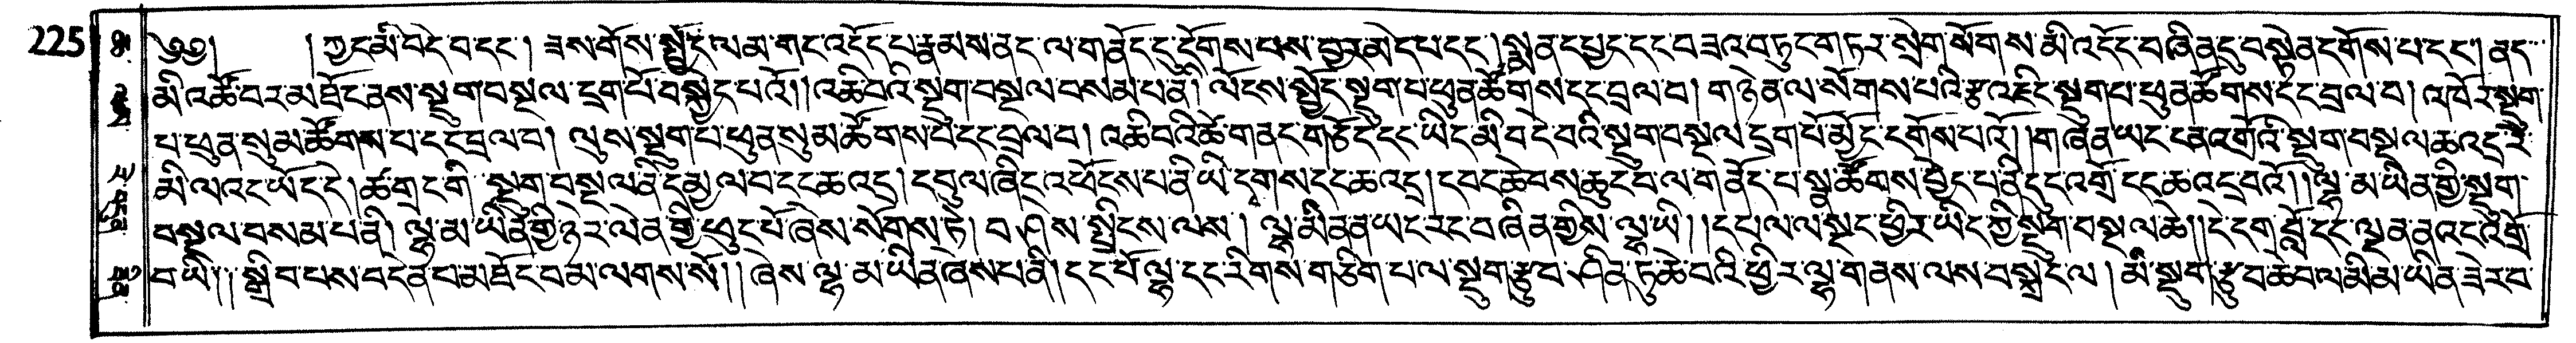༄༅། །ཀྱང་མི་བདེ་བ་དང་། ཟས་གོས་སྤྱོད་ལམ་གང་འདོད་པ་རྣམས་ནད་ལ་གནོད་དུ་དོགས་པས་བྱར་མེད་པ་དང་། སྨན་དཔྱད་དང་བཟའ་བཏུང་གཏར་སྲེག་སོགས་མི་འདོད་བཞིན་དུ་བསྟེན་དགོས་པ་དང་། ནད་
མི་འཚོ་བར་མཐོང་ནས་སྡུག་བསྔལ་དྲག་པོ་བསྐྱེད་པའོ། །འཆི་བའི་སྡུག་བསྔལ་བསམ་པ་ནི། ལོངས་སྤྱོད་སྡུག་པ་ཕུན་ཚོགས་དང་བྲལ་བ། གཉེན་ལ་སོགས་པའི་རྩ་འཇིང་སྡུག་པ་ཕུན་ཚོགས་དང་བྲལ་བ། འཁོར་སྡུག་
པ་ཕུན་སུམ་ཚོགས་པ་དང་བྲལ་བ། ལུས་སྡུག་པ་ཕུན་སུམ་ཚོགས་པ་དང་བྲལ་བ། འཆི་བའི་ཚེ་གནད་གཅོད་དང་ཡིད་མི་བདེ་བའི་སྡུག་བསྔལ་དྲག་པོ་མྱོང་དགོས་པའོ། །གཞན་ཡང་ངན་འགྲོའི་སྡུག་བསྔལ་ཆ་འདྲ་རེ་
མི་ལའང་ཡོད་དེ། ཚ་གྲང་གི་སྡུག་བསྔལ་ནི་དམྱལ་བ་དང་ཆ་འདྲ། དབུལ་ཞིང་འཕོངས་པ་ནི་ཡི་དྭགས་དང་ཆ་འདྲ། དབང་ཆེ་བས་ཆུང་བ་ལ་གནོད་པ་སྣ་ཚོགས་བྱེད་པ་ནི་དུད་འགྲོ་དང་ཆ་འདྲ་བའོ། །ལྷ་མ་ཡིན་གྱི་སྡུག་
བསྔལ་བསམ་པ་ནི། ལྷ་མ་ཡིན་གྱི་ཉེར་ལེན་གྱི་ཕུང་པོ་ཞེས་སོགས་ཏེ། བཤེས་སྤྲིངས་ལས། ལྷ་མིན་ན་ཡང་རང་བཞིན་གྱིས་ལྷ་ཡི། །དཔལ་ལ་སྡང་ཕྱིར་ཡིད་ཀྱི་སྡུག་བསྔལ་ཆེ། །དེ་དག་བློ་དང་ལྡན་ནའང་འགྲོ་
བ་ཡི༑ ༑སྒྲིབ་པས་བདེན་པ་མཐོང་བ་མ་ལགས་སོ། །ཞེས་ལྷ་མ་ཡིན་ཞེས་པ་ནི། དང་པོ་ལྷ་དང་རིགས་གཅིག་པ་ལ་སྡུག་རྩུབ་ཤིན་ཏུ་ཆེ་བའི་ཕྱིར་ལྷ་གནས་ལས་བསྐྲད་ལ། མི་སྡུག་རྩུབ་ཆེ་བ་ལ་མི་མ་ཡིན་ཟེར་བ་